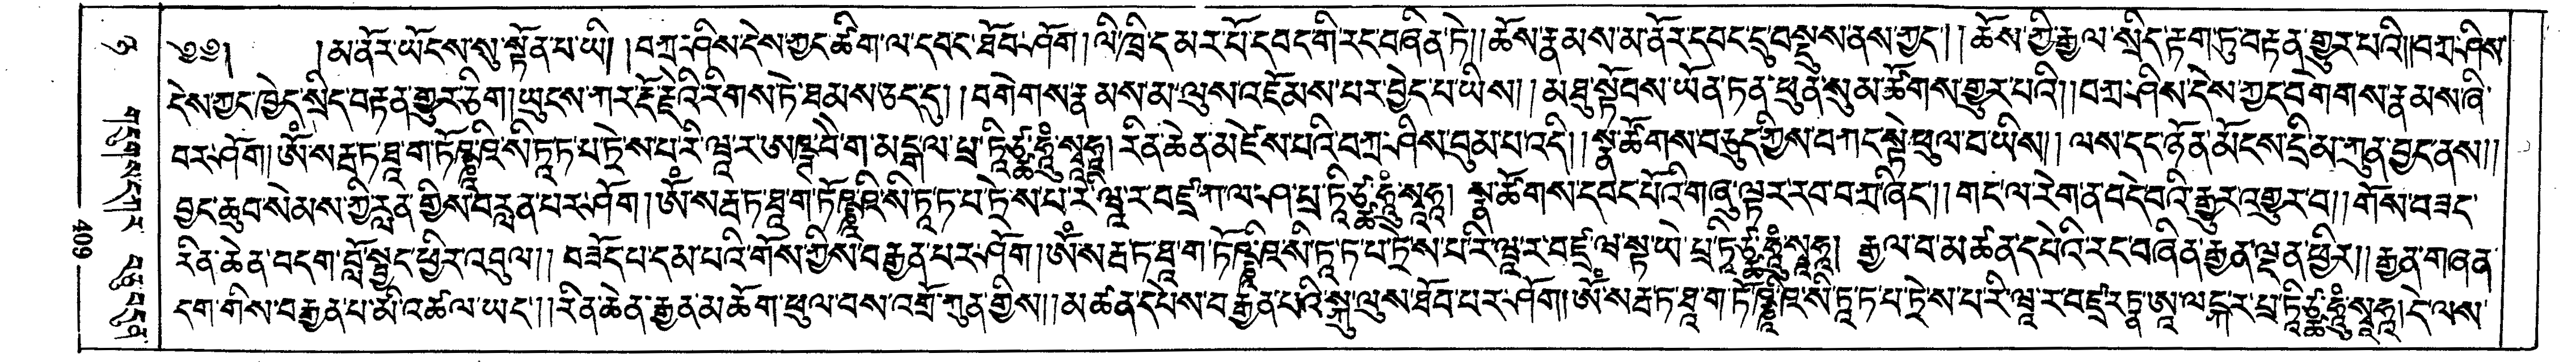༄༅། །མ་ནོར་ཡོངས་སུ་སྟོན་པ་ཡི། །བཀྲ་ཤིས་ངེས་ཀྱང་ཚིག་ལ་དབང་ཐོབ་ཤོག །ལི་ཁྲི་དམར་ངོ་དབང་གི་རང་བཞིན་ཏེ། །ཆོས་རྣམས་མ་ནོར་དབང་དུ་བསྡུས་ནས་ཀྱང་། །ཆོས་ཀྱི་རྒྱལ་སྲིད་རྟག་ཏུ་བརྟན་གྱུར་པའི། །བཀྲ་ཤིས་
དེས་ཀྱང་ཁྱེད་སྲིད་བརྟན་གྱུར་ཅིག །ཡུངས་ཀར་རྡོ་རྗེའི་རིགས་ཏེ་ཐམས་ཅད་དུ། །བགེགས་རྣམས་མ་ལུས་འཇོམས་པར་བྱེད་པ་ཡིས། །མཐུ་སྟོབས་ཡོན་ཏན་ཕུན་སུམ་ཚོགས་གྱུར་པའི། །བཀྲ་ཤིས་དེས་ཀྱང་བགེགས་རྣམས་ཞི་
བར་ཤོག། ཨོཾ་སརྦ་ཏ་ཐཱ་གཏོཥྞཱ་ཥི་སི་ཏཱ་ཏ་པ་ཏྲེ་ས་པ་རི་ཝཱ་ར་ཨཥྚ་བཻ་ག་མངྒ་ལ་པྲ་ཏཱིཙྪ་ཧཱུཾ་སྭཱཧཱ། རིན་ཆེན་མཛེས་པའི་བཀྲ་ཤིས་བུམ་པ་འདི། །སྣ་ཚོགས་བཅུད་ཀྱིས་བཀང་སྟེ་ཕུལ་བ་ཡིས། །ལས་དང་ཉོན་མོངས་དྲི་མ་ཀུན་བྱང་ནས།།
བྱང་ཆུབ་སེམས་ཀྱི་རླན་གྱིས་བརླན་པར་ཤོག །ཨོཾ་སརྦ་ཏ་ཐཱ་གཏོཥྞཱཥི་སི་ཏཱ་ཏ་པ་ཏྲེ་ས་པ་ར་ཝཱི་ར་བཛྲ་ཀ་ལ་ཤ་པྲ་ཏཱིཙྪ་ཧཱུཾ་སྭཱཧཱ། སྣ་ཚོགས་དབང་པོའི་གཞུ་ལྟར་རབ་བཀྲ་ཞིང་། །གང་ལ་རེག་ན་བདེ་བའི་རྒྱུར་འགྱུར་བ། །གོས་བཟང་
རིན་ཆེན་བདག་བློ་སྦྱང་ཕྱིར་འབུལ། །བཟོད་པ་དམ་པའི་གོས་ཀྱིས་བརྒྱན་པར་ཤོག །ཨོཾ་སརྦ་ཏ་ཐཱ་ག་ཏོཥྞཱི་ཥ་སི་ཏཱ་ཏ་པ་ཏྲེ་ས་པ་རི་ཝཱ་ར་བཛྲ་ཝསྟྲ་ཡེ་པྲ་ཏཱིཙྪ་ཧཱུཾ་སྭཱཧཱ། རྒྱལ་བ་མཚན་དཔེའི་རང་བཞིན་རྒྱན་ལྡན་ཕྱིར། །རྒྱན་གཞན་
དག་གིས་བརྒྱན་པ་མི་འཚལ་ཡང་། །རིན་ཆེན་རྒྱན་མཆོག་ཕུལ་བས་འགྲོ་ཀུན་གྱིས། །མཚན་དཔེས་བརྒྱན་པའི་སྐུ་ལུས་ཐོབ་པར་ཤོག །ཨོཾ་སརྦ་ཏ་ཐཱ་ག་ཏོཥྞཱི་ཥ་སི་ཏཱ་ཏ་པ་ཏྲེ་ས་པ་རི་ཝཱ་ར་བཛྲ་རཏྣ་ཨཱ་ལངྐ་ར་པྲ་ཏཱིཙྪ་ཧཱུཾ་སྭཱཧཱ། དེ་ལས་